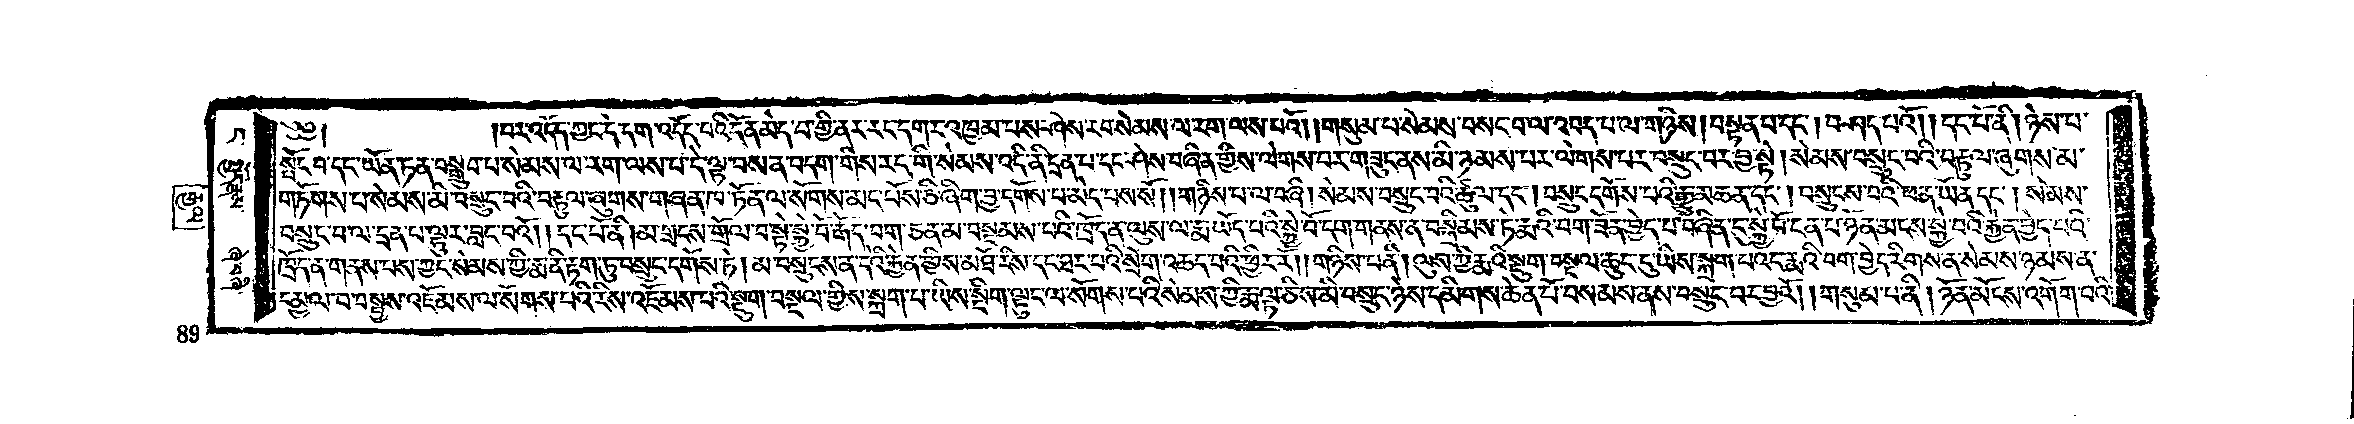༄༅། །པར་འདོད་ཀྱང་དེ་དག་འདོད་པའི་དོན་མེད་པ་གྱི་ནར་རང་དགར་འཁྱམ་པས་ཤེས་རབ་སེམས་ལ་རག་ལས་པའོ། །གསུམ་པ་སེམས་བསད་པ་ལ་འབད་པ་ལ་གཉིས། བསྟན་པ་དང་། བཤད་པའོ། །དང་པོ་ནི། ཉེས་པ་
སྤོང་བ་དང་ཡོན་ཏན་བསྒྲུབ་པ་སེམས་ལ་རག་ལས་པ་དེ་ལྟ་བས་ན་བདག་གིས་རང་གི་སེམས་འདི་ནི་དྲན་པ་དང་ཤེས་བཞིན་གྱིས་ལེགས་པར་གཟུང་ནས་མི་ཉམས་པར་ལེགས་པར་བསྲུང་བར་བྱ་སྟེ། སེམས་བསྲུང་བའི་བརྟུལ་ཞུགས་མ་
གཏོགས་པ་སེམས་མི་བསྲུང་བའི་བརྟུལ་ཞུགས་གཞན་ཁ་ཏོན་ལ་སོགས་མང་པོས་ཅི་ཞིག་བྱ་དགོས་པ་མེད་པས་སོ། །གཉིས་པ་ལ་བཞི། སེམས་བསྲུང་བའི་ཚུལ་དང་། བསྲུང་དགོས་པའི་རྒྱུ་མཚན་དང་། བསྲུངས་པའི་ཕན་ཡོན་དང་། སེམས་
བསྲུང་བ་ལ་དྲན་པ་ལྷུར་བླང་བའོ། །དང་པོ་ནི། མ་གྲངས་གྲོལ་བ་སྟེ་སྐྱེ་བོ་རྒོད་བག་ཅན་མ་བསྡམས་པའི་ཁྲོད་ན་ལུས་ལ་རྨ་ཡོད་པའི་སྐྱེ་བོ་དག་གནས་ན་བསྐྲིམས་ཏེ་རྨའི་བག་ཟོན་བྱེད་པ་བཞིན་དུ་སྐྱེ་བོ་ངན་པ་ཉོན་མོངས་སྐྱེ་བའི་རྒྱེན་བྱེད་པའི་
ཁྲོད་ན་གནས་པས་ཀྱང་སེམས་ཀྱི་རྨ་ནི་རྟག་ཏུ་བསྲུང་དགོས་ཏེ། མ་བསྲུངས་ན་དེའི་རྐྱེན་གྱིས་མཐོ་རིས་དང་ཐར་པའི་སྲེག་འཆད་པའི་ཕྱིར་རོ། །གཉིས་པ་ནི། ལུས་ཀྱི་རྨའི་སྡུག་བསྔལ་ཆུང་ངུ་ཡིས་སྐྲག་པའང་རྨའི་བག་བྱེད་རིགས་ན་སེམས་ཉམས་ན་
དམྱལ་བ་བ་སྦྱས་འཇོམས་ལ་སོགས་པའི་རིས་འཇོམས་པའི་སྡུག་བསྔལ་གྱིས་སྐྲག་པ་ཡིས་སྡིག་ལྟུང་ལ་སོགས་པའི་སེམས་ཀྱི་རྨ་ལྟ་ཅིས་མི་བསྲུང་ཉེས་དམིགས་ཆེན་པོ་བསམས་ནས་བསྲུང་བར་བྱའོ། །གསུམ་པ་ནི། ཉོན་མོངས་འགོག་པའི་